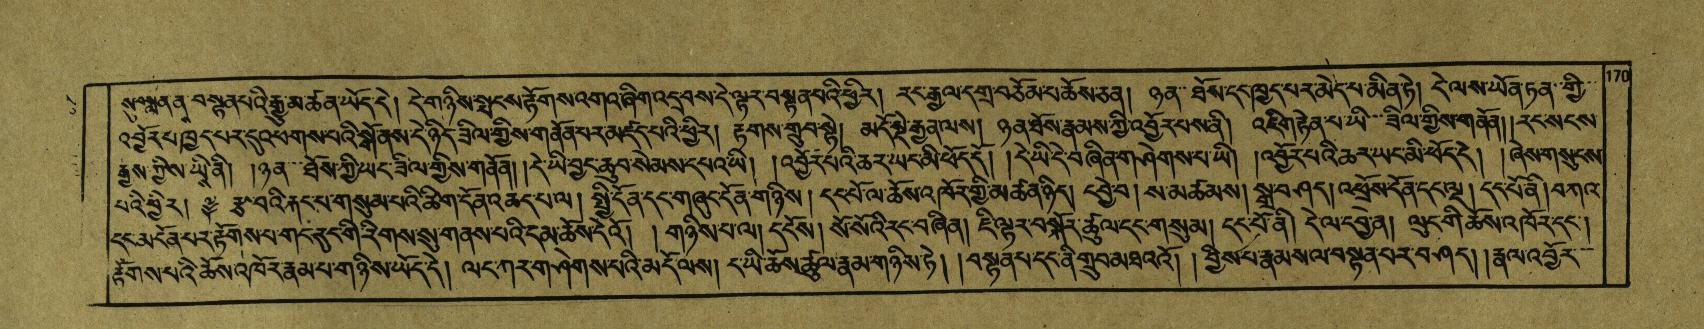སུ་བསླན་ནས་བསྟན་པའི་རྒྱུ་མཚན་ཡོད་དེ། དེ་གཉིས་སྤངས་རྟོགས་འགའ་ཞིག་འདྲ་བས་དེ་ལྟར་བསྟན་པའི་ཕྱིར། རང་རྒྱལ་དགྲ་བཅོམ་པ་ཆོས་ཅན། ཉན་ཐོས་དང་ཁྱད་པར་མེད་པ་མིན་ཏེ། དེ་ལས་ཡོན་ཏན་གྱི་
འབྱོར་པ་ཁྱད་པར་དུ་འཕགས་པའི་སྒོ་ནས་དེ་ཉིད་ཟིལ་གྱིས་གནོན་པར་མཛད་པའི་ཕྱིར། རྟགས་གྲུབ་སྟེ། མདོ་སྡེ་རྒྱན་ལས། ཉན་ཐོས་རྣམས་ཀྱི་འབྱོར་པས་ནི། འཇིག་རྟེན་པ་ཡི་ཟིལ་གྱིས་གནོན། །རང་སངས་
རྒྱས་ཀྱིས་ཡིས་ནི། །ཉན་ཐོས་ཀྱི་ཡང་ཟིལ་གྱིས་གནོན། །དེ་ཡི་བྱང་ཆུབ་སེམས་དཔའ་ཡི། །འབྱོར་པའི་ཆར་ཡང་མི་ཕོད་དོ། །དེ་ཡི་དེ་བཞིན་གཤེགས་པ་ཡི། །འབྱོར་པའི་ཆར་ཡང་མི་ཕོད་དེ། །ཞེས་གསུངས་
པའི་ཕྱིར། ༈ རྩ་བའི་རྐང་པ་གསུམ་པའི་ཚིག་དོན་འཆད་པ་ལ། སྤྱི་དོན་དང་གཞུང་དོན་གཉིས། དང་པོ་ལ་ཆོས་འཁོར་གྱི་མཚན་ཉིད། དབྱེ་བ། ས་མཚམས། སྒྲ་བཤད། འཕྲོས་དོན་དང་ལྔ། དང་པོ་ནི། བཀའ་
དང་མངོན་པར་རྟོགས་པ་གང་རུང་གི་རིགས་སུ་གནས་པའི་དམ་ཆོས་དེའོ། །གཉིས་པ་ལ། དངོས། སོ་སོའི་རང་བཞིན། ཇི་ལྟར་བསྐོར་ཚུལ་དང་གསུམ། དང་པོ་ནི། དེ་ལ་དབྱེ་ན། ལུང་གི་ཆོས་འཁོར་དང་།
རྟོགས་པའི་ཆོས་འཁོར་རྣམ་པ་གཉིས་ཡོད་དེ། ལང་ཀར་གཤེགས་པའི་མདོ་ལས། ང་ཡི་ཆོས་ཚུལ་རྣམ་གཉིས་ཏེ། །བསྟན་པ་དང་ནི་གྲུབ་མཐའའོ། །བྱིས་པ་རྣམས་ལ་བསྟན་པར་བཤད། །རྣལ་འབྱོར་